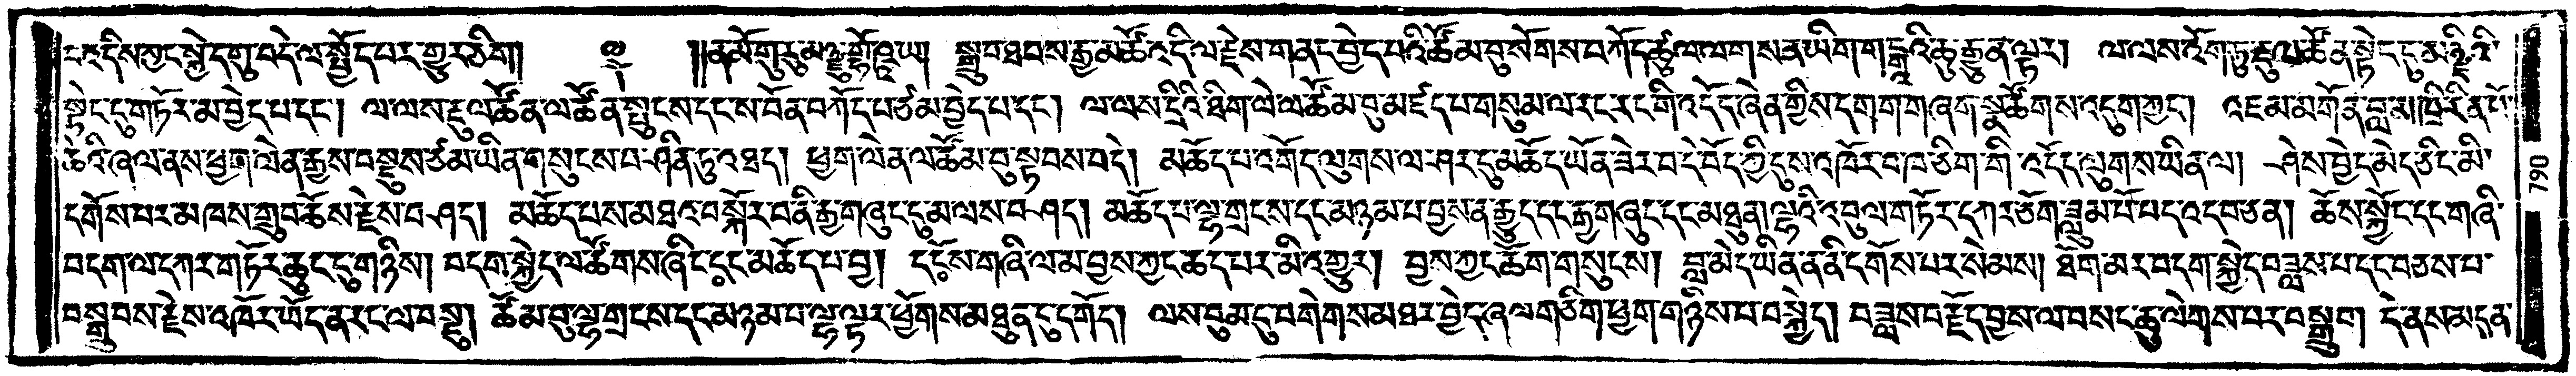བ་འདིས་ཀྱང་སྐྱེ་དགུ་བདེ་ལ་སྤྱོད་པར་གྱུར་ཅིག། ༈ །།ན་མོ་གུ་རུ་མཉྫུ་གྷོཥྟྲ་ཡ། སྒྲུབ་ཐབས་རྒྱ་མཚོ་འདི་ལ་རྗེས་གནང་བྱེད་པའི་ཚོམ་བུ་སོགས་བཀོད་ཚུལ་ལག་གསན་ཡིག་གངྒཱའི་ཆུ་རྒྱུན་ལྟར། ལ་ལས་འོག་ཏུ་རྟུལ་ཚོན་སྟེང་དུ་མཉྫའི་
སྟེང་དུ་གཏོར་མ་བྱེད་པ་དང་། ལ་ལས་རྡུལ་ཚོན་ལ་ཚོན་སྤུངས་དང་ས་བོན་བཀོད་པ་ཙམ་བྱེད་པ་དང་། ལ་ལས་དྲིའི་ཐིག་ལེ་ལ་ཚོམ་བུ་མཛད་པ་གསུམ་ལ་རང་རང་གི་འདོད་ཞེན་གྱིས་དགག་གཞག་སྣ་ཚོགས་འདུག་ཀྱང་། འཇམ་མགོན་བླ་མ་ཁྲི་རིན་པོ་
ཆེའི་ཞལ་ནས་ཕྱག་ལེན་རྒྱས་བསྡུས་ཙམ་ཡིན་གསུངས་པ་ཤིན་ཏུ་འཐད། ཕྱག་ལེན་ལ་ཚོམ་བུ་སྟབས་པ་དེ། མཆོད་པ་འགོད་ལུགས་ལ་ཤར་དུ་མཆོད་ཡོན་ཟེར་བ་དེ་བོད་ཀྱི་དུས་འཁོར་བ་ཁ་ཅིག་གི་འདོད་ལུགས་ཡིན་ལ། ཤེས་བྱེད་མེད་ཅིང་མི་
དགོས་པར་མཁས་གྲུབ་ཆོས་རྗེས་བཤད། མཆོད་པས་མཐའ་བསྐོར་པ་ནི་རྒྱ་གཞུང་དུ་མ་ལས་བཤད། མཆོད་པ་ལྷ་གྲངས་དང་མཉམ་པ་བྱས་ན་རྒྱུད་དང་རྒྱ་གཞུང་དང་མཐུན། ལྷའི་འབུལ་གཏོར་དཀར་ཅོག་ཟླུམ་པོ་པད་འདབ་ཅན། ཆོས་སྐྱོང་དང་གཞི་
བདག་ལ་དཀར་གཏོར་ཆུང་དུ་གཉིས། བདག་སྐྱེད་ལ་ཚོགས་ཞིང་དང་མཆོད་པ་བྱ། དངོས་གཞི་ལ་མ་བྱས་ཀྱང་ཆད་པར་མི་འགྱུར། བྱས་ཀྱང་ཆོག་གསུངས། བླ་མེད་ཡིན་ན་ནི་དགོས་པར་སེམས། ཐོག་མར་བདག་སྐྱེད་བཟླས་པ་དང་བཅས་བ་
བསྒྲུབས་རྗེས་འཁོར་ཡོད་ན་རང་ལ་བསྡུ། ཚོམ་བུ་ལྷ་གྲངས་དང་མཉམ་པ་ལྷ་ལྟར་ཕྱོགས་མཐུན་དུ་དགོད། ལས་བུམ་དུ་བགེགས་མཐར་བྱེད་ཞལ་གཅིག་ཕྱག་གཉིས་པ་བསྐྱེད། བཟླས་བརྗོད་བྱས་ལ་བསངཡ་ཆུ་ལེགས་པར་བསྒྲུབ། དེ་ནས་མདུན་